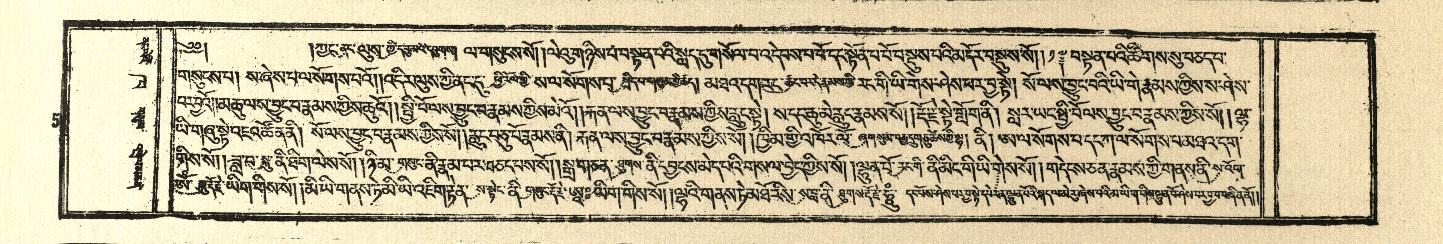༄༅། །ཀྱང་ནང་ལུས་ཀྱི་དབུ་མའི་དབུགས། ལ་གསུངས་སོ། །ལེའུ་གཉིས་པ་བསྟན་པའི་སླད་དུ་གསོལ་བ་འདེབས་པ་པོ་དང་སྟོན་པ་པོ་བསྡུས་པའི་མདོར་བསྡུས་སོ། །༡་༈ བསྟན་པའི་ཚིགས་སུ་བཅད་པ་
གསུངས་པ། ས་ཞེས་པ་ལ་སོགས་པའོ། །༡འདིར་ལུས་ནང་དུ་ཕྱིར་རོལ་གྱི་ས་ལ་སོགས་པ་སྲིད་པ་གསུམ་གྱི་ཚད། མཐའ་དག་རང་ཚང་བར་དེ་རྣམས་ཀྱི་རང་གི་ཡི་གེས་ཤེས་པར་བྱ་སྟེ། སོ་ལས་བྱུང་བའི་ཡི་གེ་རྣམས་ཀྱིས་ས་ཤེས་
པར་བྱའོ། །མཆུ་ལས་བྱུང་བ་རྣམས་ཀྱིས་ཆུའོ། །སྤྱི་བོ་ལས་བྱུང་བ་རྣམས་ཀྱིས་མེའོ། རྐན་ལས་བྱུང་བ་རྣམས་ཀྱིས་རླུང་སྟེ། ས་དང་ཆུ་མེ་རླུང་རྣམས་སོ། །རྡོ་རྗེ་སྟེ་གློག་ནི། སླར་ཡང་སྤྱི་བོ་ལས་བྱུང་བ་རྣམས་ཀྱིས་སོ། །ལྷ་
ཡི་གཞུ་སྟེ་འཇའ་ཚོན་ནི། སོ་ལས་བྱུང་བ་རྣམས་ཀྱིས་སོ། །རླུང་བཅུ་པོ་རྣམས་།ཁྱིམ་གྱི་འཁོར་ལོ་ཞག་སུམ་བརྒྱ་དྲུ་ཅུ་ཚེས་གྱི་ཁ། ནི། །ཨ་ལ་སོགས་པ་དང་ཀ་ལ་སོགས་པ་མཐའ་དག་
གིས་སོ། །ཟླ་བ་སྐུ་ནི་ཐིག་ལེས་སོ། །ཉི་མ་གསུང་ནི་རྣམ་པར་བཅད་པས་སོ། །སྒྲ་གཅན་ཐུགས་ནི་དབྱངས་མེད་པའི་གསལ་བྱེད་ཀྱིས་སོ། །ལྷུན་པོ་རང་གི་ནི་མིང་གི་ཡི་གེས་སོ། །གདེངས་ཅན་རྣམས་ཀྱི་གནས་ནི་ས་འོག་
ཨོཾ་སྐུ་རྡོ་རྗེ་ཡིག་གིས་སོ། །མི་ཡི་གནས་ཏེ་མི་ཡི་འཇིག་རྟེན་ས་སྟེང་ནི་གསུང་རྡོ་རྗེ་ཨཱཿ ཡིག་གིས་སོ། །ལྷའི་གནས་ཏེ་མཐོ་རིས་ས་བླ་ནི་ཐུགས་རྡོ་རྗེ་ཧཱུཾ་དང་པོ་ཤེས་པར་བྱ་སྟེ་དཔེར་ན་ལྷུན་པོའི་སྐད་ལ་མེ་རུ་ཞེས་པའི་མ་ཡིག་གིས་ལྷུན་པོ་ཤེས་པར་བྱ་བ་བཞིན་ནོ། །